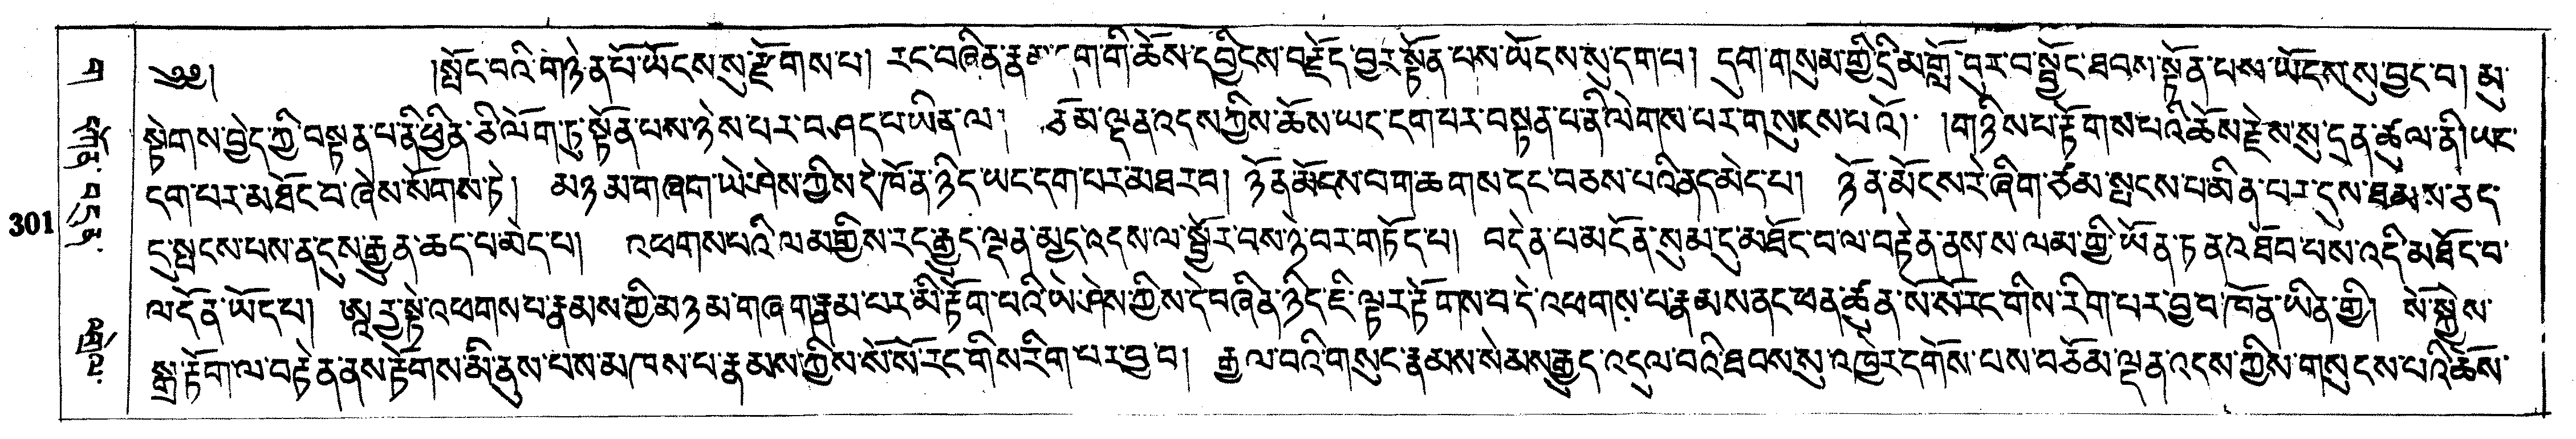༄༅། །སྤོང་བའི་གཉེན་པོ་ཡོངས་སུ་རྫོགས་པ། རང་བཞིན་རྣམ་དག་གི་ཆོས་དབྱིངས་བརྗོད་བྱར་སྟོན་པས་ཡོངས་སུ་དག་པ། དུག་གསུམ་གྱི་དྲི་མ་གློ་བུར་བ་སྦྱོང་ཐབས་སྟོན་པས་ཡོངས་སུ་བྱང་བ། མུ་
སྟེགས་བྱེད་ཀྱི་བསྟན་པ་ནི་ཕྱིན་ཅི་ལོག་ཏུ་སྟོན་པས་ཉེས་པར་བཤད་པ་ཡིན་ལ། བཅོམ་ལྡན་འདས་ཀྱིས་ཆོས་ཡང་དག་པར་བསྟན་པ་ནི་ལེགས་པར་གསུངས་པའོ། །གཉིས་པ་རྟོགས་པའི་ཆོས་རྗེས་སུ་དྲན་ཚུལ་ནི། ཡང་
དག་པར་མཐོང་བ་ཞེས་སོགས་ཏེ། མཉམ་གཞག་ཡེ་ཤེས་ཀྱིས་དེ་ཁོ་ན་ཉིད་ཡང་དག་པར་མཐར་བ། ཉོན་མོངས་བག་ཆགས་དང་བཅས་པའི་ནད་མེད་པ། ཉོན་མོངས་རེ་ཞིག་ཙམ་སྤངས་པ་མིན་པར་དུས་ཐམས་ཅད་
དུ་སྤངས་པས་ན་དུས་རྒྱུན་ཆད་པ་མེད་པ། འཕགས་པའི་ལམ་གྱིས་རང་རྒྱུད་ལྡན་མྱང་འདས་ལ་སྦྱོར་བས་ཉེ་བར་གཏོད་པ། བདེན་པ་མངོན་སུམ་དུ་མཐོང་བ་ལ་བརྟེན་ནས་ས་ལམ་གྱི་ཡོན་ཏན་འཐོབ་པས་འདི་མཐོང་བ་
ལ་དོན་ཡོད་པ། ཨཱརྱ་སྟེ་འཕགས་པ་རྣམས་ཀྱི་མཉམ་གཞག་རྣམ་པར་མི་རྟོག་པའི་ཡེ་ཤེས་ཀྱིས་དེ་བཞིན་ཉིད་ཇི་ལྟར་རྟོགས་པ་དེ་འཕགས་པ་རྣམས་ནང་ཕན་ཚུན་སོ་སོ་རང་གིས་རིག་པར་བྱ་བ་ཁོ་ན་ཡིན་གྱི། སོ་སྐྱེས་
སྒྲ་རྟོག་ལ་བརྟེན་ནས་རྟོགས་མི་ནུས་པས་མཁས་པ་རྣམས་ཀྱིས་སོ་སོ་རང་གིས་རིག་པར་བྱ་བ། རྒྱལ་བའི་གསུང་རྣམས་སེམས་རྒྱུད་འདུལ་བའི་ཐབས་སུ་འཁྱེར་དགོས་པས་བཅོམ་ལྡན་འདས་ཀྱིས་གསུངས་པའི་ཆོས་